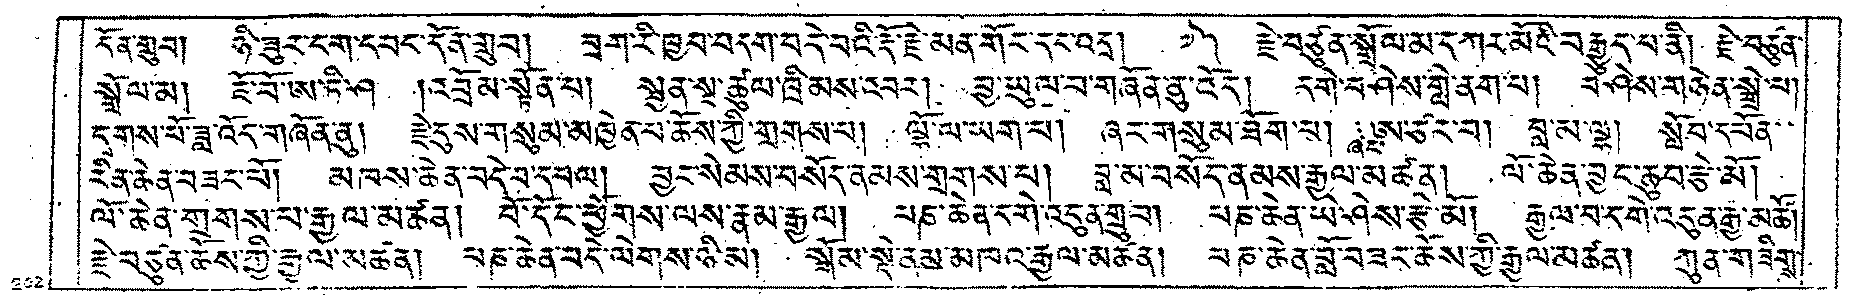དོན་གྲུབ། ཉི་ཟུར་ངག་དབང་དོན་གྲུབ། བྲག་རི་ཁྱབ་བདག་བདེ་བའི་རྡོ་རྗེ་མན་གོང་དང་འདྲ། ༧?་རྗེ་བཙུན་སྒྲོལ་མ་དཀར་མོའི་བརྒྱུད་པ་ནི། རྗེ་བཙུན་
སྒྲོལ་མ། ཇོ་བོ་ཨ་ཏི་ཤ། འབྲོམ་སྟོན་པ། སྤྱན་སྔ་ཚུལ་ཁྲིམས་འབར། བྱ་ཡུལ་པ་གཞོན་ནུ་འོད། དགེ་བཤེས་གླེ་ནག་པ། བཤེས་གཉེན་སྒྲེ་པ།
དྭགས་པོ་ཟླ་འོད་གཞོན་ནུ། རྗེ་དུས་གསུམ་མཁྱེན་པ་ཆོས་ཀྱི་གྲགས་པ། ལྷོ་ལ་ཡག་པ། ཞང་གསུམ་ཐོག་པ། ཞང་ཨ་ཙར་བ། བླ་མ་ལྷ། སློབ་དཔོན་
རིན་ཆེན་བཟང་པོ། མཁས་ཆེན་བདེ་བ་དཔལ། བྱང་སེམས་བསོད་ནམས་གྲགས་པ། བླ་མ་བསོད་ནམས་རྒྱལ་མཚན། ལོ་ཆེན་བྱང་ཆུབ་རྩེ་མོ།
ལོ་ཆེན་གྲགས་པ་རྒྱལ་མཚན། བོ་དོང་ཕྱོགས་ལས་རྣམ་རྒྱལ། པཎ་ཆེན་དགེ་འདུན་གྲུབ། པཎ་ཆེན་ཡེ་ཤེས་རྩེ་མོ། རྒྱལ་བ་དགེ་འདུན་རྒྱ་མཚོ།
རྗེ་བཙུན་ཆོས་ཀྱི་རྒྱལ་མཚན། པཎ་ཆེན་བདེ་ལེགས་ཉི་མ། སྒོམ་སྡེ་ནམ་མཁའ་རྒྱལ་མཚན། པཎ་ཆེན་བློ་བཟང་ཆོས་ཀྱི་རྒྱལ་མཚན། ཀུན་གཟིགས་